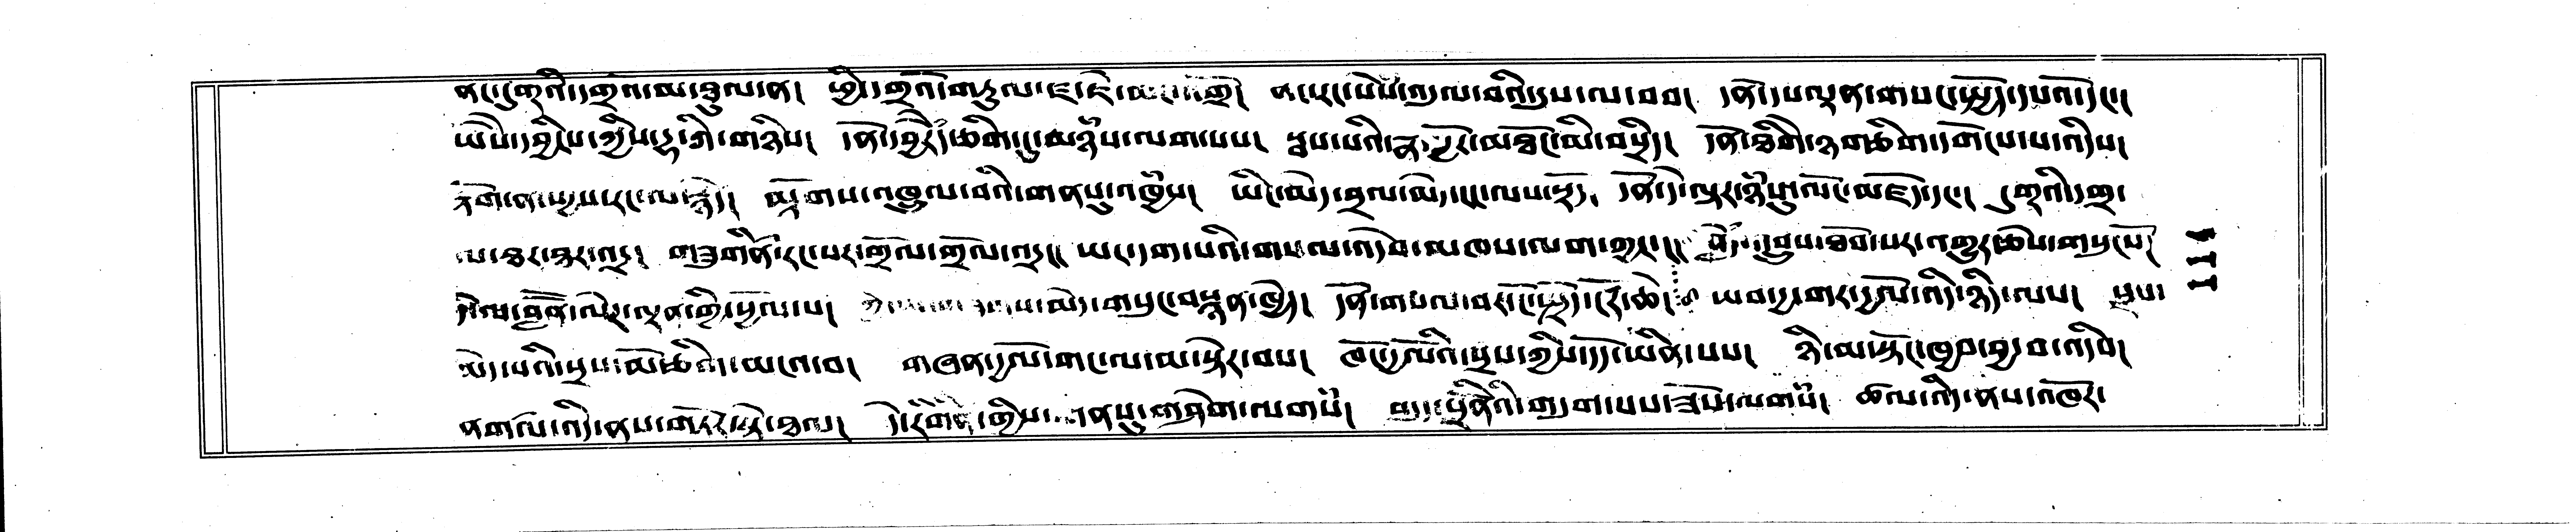ནང་དུག་ལྔའི་དགྲ་བོ་མ་ཐུལ་ན། ཕྱི་དགྲ་བོ་བཏུལ་ཛ་ཇེ་མང་འགྲོ། ནང་རང་སེམས་འདུལ་བའི་དུས་ལ་བབ། དོན་དཔལ་ལྡན་གསང་སྤྱོད་དཔའ་བོ་དང་། 
ཡེ་ཤེས་དབྱིངས་ཀྱི་དྷ་ཀི་གཉིས། དོན་དབྱེར་མེད་གཅིག་ཏུ་མཉམ་ལགས་པས། སྦས་པའི་རྣལ་འབྱོར་མཐོང་མི་སྲིད། དོན་ཐིག་ལེ་ཉག་གཅིག་དགོངས་པ་འདིས། 
རྟོགས་ན་སངས་རྒྱས་རང་ལ་རྙེད། མ་རྟོགས་འཁྲུལ་པའི་གནས་སུ་འཁྱམས། ཡེངས་མེད་བྲལ་མེད་ངང་ལ་སྡོད། དོན་དེ་ལྟར་ཉམས་སུ་ལོངས་མཛོད་དང་། དུག་ལྔའི་དགྲ་
ལ་ཐར་ཐར་འདྲ། གཟུང་འཛིན་རང་སར་གྲོལ་གྲོལ་འདྲ། ཡང་དག་པའི་གསལ་འདེབས་མཁས་ལགས་ཀྱང་། བླ་མེད་འབྲས་བུ་འཐོབ་པར་འགྱུར། ཅེས་གསུངས་སོ། 
།དེ་ལ་བློན་པོ་ལེགས་ལྡན་གྱིས་གསོལ་པ། ཀྱེ་མ་གཟུགས་མེད་གསུང་སྙན་ཁྱེད། དོན་གསལ་བར་ངོ་སྤྲོད་ངོ་མཚར་ཆེ། ཡབ་རྒྱ་གར་རྒྱལ་པོ་འདི་ཉིད་ལས། སྲས་
མེད་པའི་སྲས་མོ་གཅིག་མངའ་བ། གཞན་རྒྱལ་པོ་གང་ལ་མ་སྟེར་བས། ཁོང་རྒྱལ་པོའི་སྲས་ཀྱི་དོད་ཡིན་པས། ཉི་མ་སྟོང་ཁྱབ་བྱ་བ་འདིས། 
ནགས་ཚལ་འདི་ནས་སྟོར་ཏེ་ཐལ། དེ་རིག་འཛིན་གྱི་གནས་སུ་གཤེགས་ལགས་སམ། བདུད་སྲིན་པོ་གདུག་པས་ཟོས་ལགས་སམ། ཚལ་འདི་ནས་འཁོར་